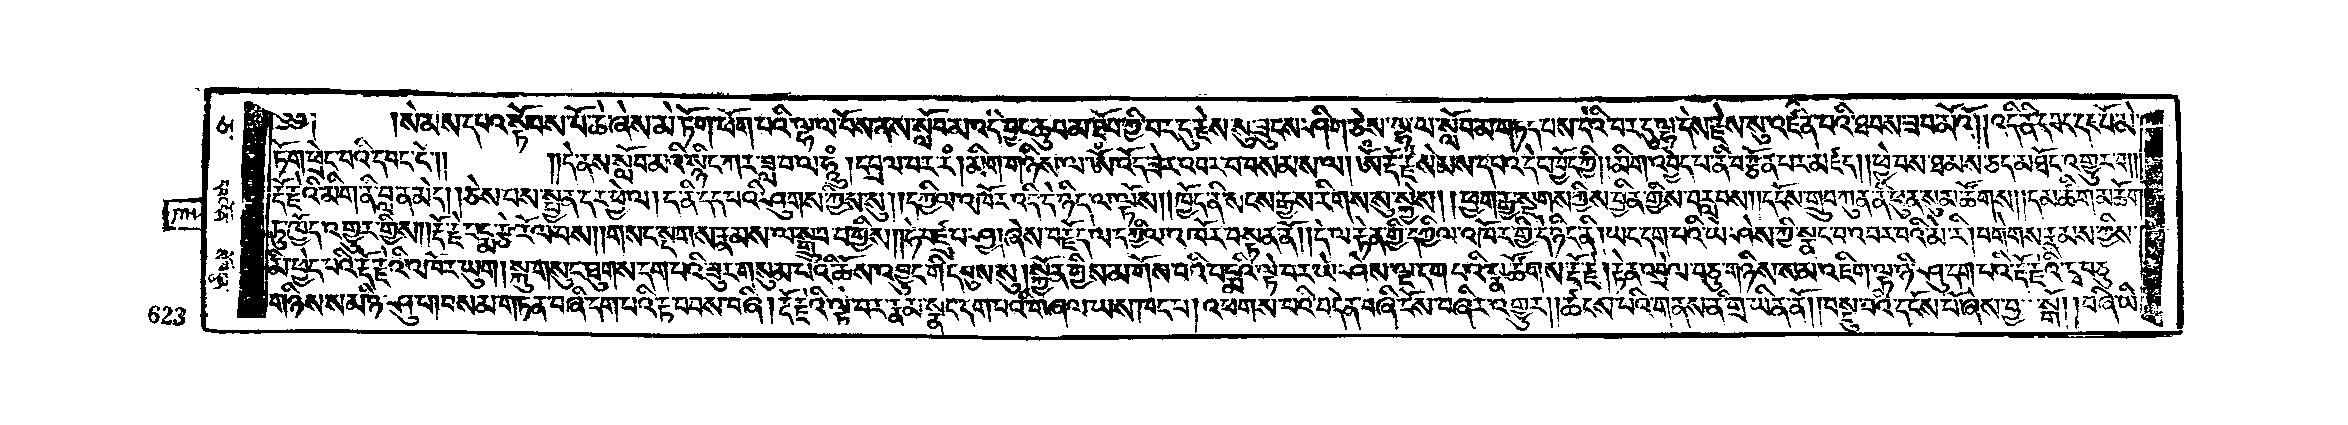༄༅། །སེམས་དཔའ་སྟོབས་པོ་ཆེ་ཞེས་མེ་ཏོག་ཕོག་པའི་ལྷ་ལ་བོས་ནས་སློབ་མ་འདི་བྱང་ཆུབ་མ་ཐོབ་ཀྱི་བར་དུ་རྗེས་སུ་ཟུངས་ཤིག་ཅེས་ལྷ་ལ་སློབ་མ་གཏད་པས་དེའི་བར་དུ་ལྷ་དེས་རྗེས་སུ་འཛིན་པའི་ཐབས་ཟབ་མོའོ། །འདི་ནི་དབང་དང་པོ་མེ་
ཏོག་ཕྲེང་བའི་དབང་ངོ།། །།དེ་ནས་སློབ་མའི་སྙིང་ཀར་ཟླ་བ་ལ་ཧཱུཾ། དཔྲལ་བར་རཾ། མིག་གཉིས་ལ་ཨོཾ་འོད་ཟེར་འབར་བ་བསམས་ལ། ཨོཾ་རྡོ་རྗེ་སེམས་དཔའ་དེང་ཁྱོད་ཀྱི། །མིག་འབྱེད་པ་ནི་བརྩོན་པར་མཛད། །ཕྱེ་བས་ཐམས་ཅད་མཐོང་འགྱུར་བ།།
རྡོ་རྗེའི་མིག་ནི་བླ་ན་མེད། །ཅེས་པས་སྤྱན་དར་ཕྱེ་ལ། ད་ནི་དད་པའི་ཤུགས་ཀྱིས་སུ། །དཀྱིལ་འཁོར་འདི་དེ་ཉིད་ལ་ལྟོས། །ཁྱོད་ནི་སངས་རྒྱས་རིགས་སུ་སྐྱེས། །ཕྱག་རྒྱ་སྔགས་ཀྱིས་བྱིན་གྱིས་བརླབས། །དངོས་གྲུབ་ཀུན་ནི་ཕུན་སུམ་ཚོགས། །དམ་ཚིག་མཆོག་
ཏུ་ཁྱོད་འགྱུར་གྱིས། །རྡོ་རྗེ་པདམ་རྩེ་རོལ་བས། །གསང་སྔགས་རྣམས་ལ་སྒྲུབ་པ་གྱིས། །ཧེ་བཛྲ་པ་ཤྱ། ཞེས་བརྗོད་ལ་དཀྱིལ་འཁོར་བསྟན་ནོ། །དེ་ལ་རྟེན་གྱི་དཀྱིལ་འཁོར་གྱི་དེ་ཉིད་ནི། ཡང་དག་པའི་ཡེ་ཤེས་ཀྱི་སྣང་བ་འབར་བའི་མེ་རི། བགེགས་རྣམས་ཀྱིས་
མི་ཕྱེད་པའི་རྡོ་རྗེའི་འཁོར་ཡུག །སྐུ་གསུང་ཐུགས་དག་པའི་ཟུར་གསུམ་པའི་ཆོས་འབྱུང་གི་དབུས་སུ། སྐྱོན་གྱིས་མ་གོས་པའི་པདམའི་ལྟེ་བར་ཡེ་ཤེས་ལྔ་དག་པའི་སྣ་ཚོགས་རྡོ་རྗེ། རྟེན་འབྲེལ་བཅུ་གཉིས་སམ་འཇིག་ལྟ་ཉི་ཤུ་དག་པའི་རྡོ་རྗེའི་རྭ་བཅུ་
གཉིས་སམ་ཉི་ཤུ་པ། བསམ་གཏན་བཞི་དག་པའི་རྟ་བབས་བཞི། རྡོ་རྗེའི་ལྟེ་བར་རྣམ་སྣང་དག་པའི་གཞལ་ཡས་ཁང་པ། འཕགས་པའི་བདེན་བཞི་ངོས་བཞིར་འགྱུར། །ཚངས་པའི་གནས་ནི་གྲྭ་ཡིན་ནོ། །བསྡུ་བའི་དངོས་པོ་ཞེས་བྱ་སྒོ། །བཞི་ཡི་